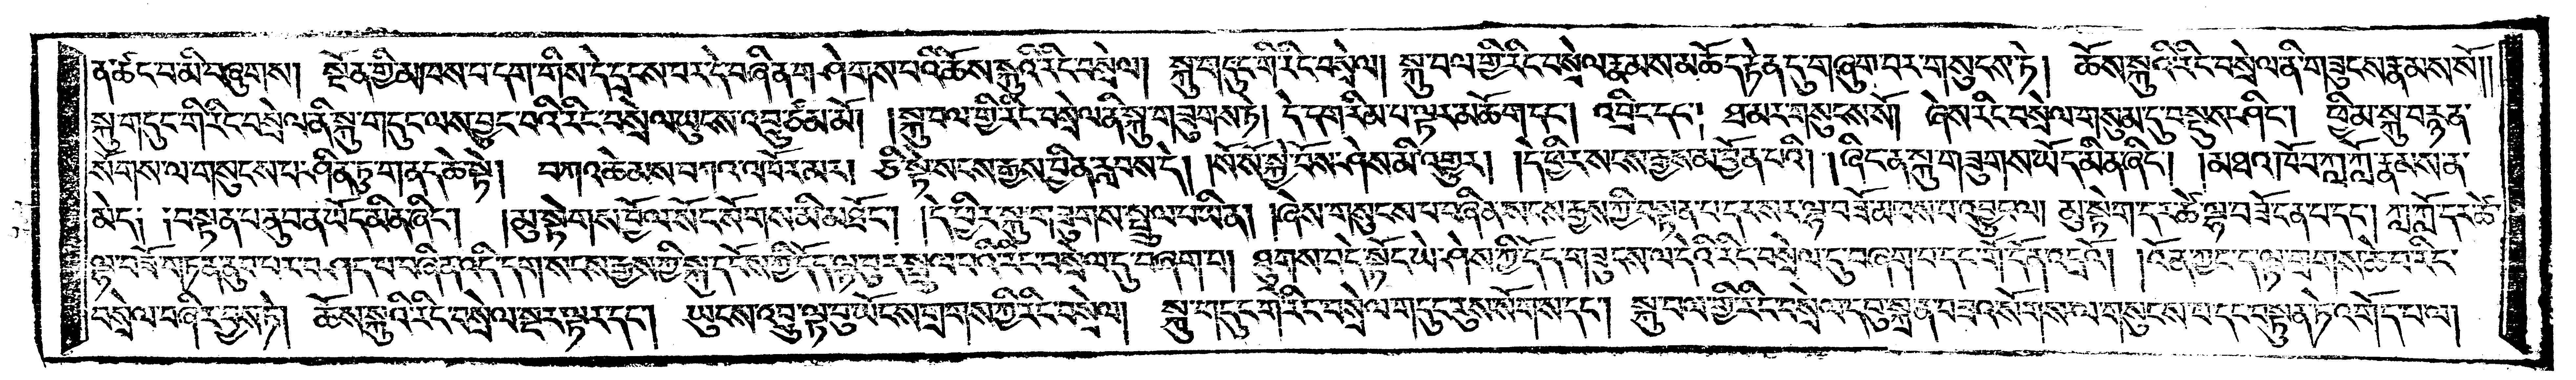ན་ཚང་བ་མི་བཞུགས། སྔོན་གྱི་མཁས་པ་དག་གིས་དེ་དྲངས་བར་དེ་བཞིན་གཤེགས་པའི་ཆོས་སྐུའི་རིང་བསྲེལ། སྐུ་གདུང་གི་རིང་བསྲེལ། སྐུ་གདུང་གི་རིང་བསྲེལ། སྐུ་བལ་གྱི་རིང་བསྲེལ་རྣམས་མཆོད་རྟེན་དུ་གཞུག་བར་གསུངས་ཏེ། ཆོས་སྐུའི་རིང་འྶྲེལ་གཟུངས་རྣམས་སོ།།
སྐུ་གདུང་གི་རིང་བསྲེལ་ནི་སྐུ་གདུང་ལས་བྱུང་བའི་རིང་བསྲེལ་ཡུངས་འབྲུ་ཙམ་མོ། །སྐུ་བལ་གྱི་རིང་བསྲེལ་ནི་སྐུ་གཟུགས་ཏེ། དེ་དག་རིམ་པ་ལྟར་མཆོག་དང་། འབྲིང་དང་། ཐ་མར་གསུངས་སོ། །ཞེས་རིང་བསྲེལ་གསུམ་དུ་བསྡུས་ཤིང་། ཕྱི་མ་སྐུ་བརྙན་
སོགས་ལ་གསུངས་བ་ཤིན་ཏུ་གནད་ཆེ་སྟེ། བཀའ་ཆེམས་བཀའ་འཁོར་མར། ཅི་སྟེ་སངས་རྒྱས་བྱིན་རླབས་དེ། །སོ་སོ་སྐྱེ་བོས་ཤེས་མི་འགྱུར། །དེ་ཕྱིར་སངས་རྒྱས་མ་བྱོན་པའི། །ཞིང་ན་སྐུ་གཟུགས་ཡོད་མིན་ཞིང་། །མཐའ་ཁོབ་ཀླ་ཀློ་རྣམས་ན་
མེད༑ ༑བསྟན་བ་ནུབ་ན་ཡོད་མིན་ཞིང་། །མུ་སྟེགས་བྱོལ་སོང་སོགས་མི་མཐོང་། །དེ་ཕྱིར་སྐུ་གཟུགས་སྤྲུལ་པ་ཡིན། །ཞེས་གསུངས་པ་བཞིན་སངས་རྒྱས་ཀྱི་བསྟན་པ་དར་སར་ལྷ་བཟོ་མཁས་པ་འབྱུང་ལ། མུ་སྟེག་དར་ཚེ་ལྷག་བཟོ་ངན་པ་དང་། ཀླ་ཀློ་དར་ཚེ་
ལྷ་བཟོ་གཏན་ནུབ་པར་བཤད་པ་བཞིན་འདི་དག་སངས་རྒྱས་ཀྱི་སྐུ་དངོས་ཀྱི་དོད་ལྟ་བུར་སྤྲུལ་པའི་རིང་བསྲེལ་དུ་བཞག་པ། ཐུགས་བདེ་སྟོང་ཡེ་ཤེས་ཀྱི་དོད་གཟུངས་ལ་དེའི་རིང་བསྲེལ་དུ་བཞག་པ་དང་གོ་དོན་འདྲའོ། །འོན་ཀྱང་ད་ལྟ་གྲགས་ཆེ་བ་རིང་
བསྲེལ་བཞིར་བྱས་ཏེ། ཆོས་སྐུའི་རིང་བསྲེལ་སྔར་ལྟར་དང་། ཡུངས་འབྲུ་ལྟ་བུ་ཡོངས་གྲགས་ཀྱི་རིང་བསྲེལ། སྐུ་གདུང་གི་རིང་བསྲེལ་གདུང་རུས་སོགས་དང་། སྐུ་བལ་གྱི་རིང་བསྲེལ་དབུ་སྐྲ་ན་བཟའ་སོགས་ལ་གསུངས་པ་དང་བསྟུན་ཏེ་འགོད་པ་ལ།